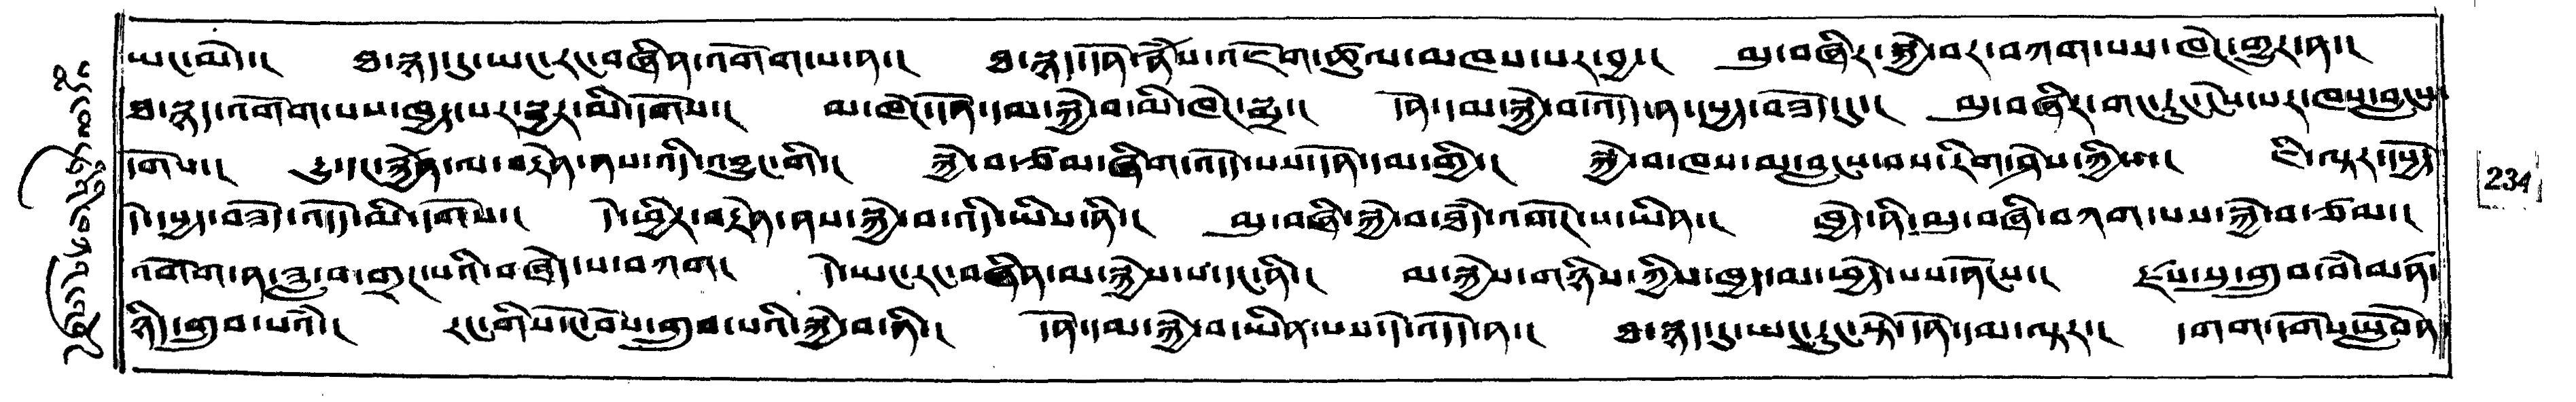ཡང་མེད། །ཐ་སྙད་དུ་ཡང་རང་བཞིན་འགོག་པ་ན། །ཐ་སྙད་དོན་རྣམས་འཇོག་ཚུལ་མཁས་པར་བྱ། །མུ་བཞིར་སྐྱེ་བར་བཀག་པས་ཁེགས་གྱུར་ན། །
ཐ་སྙད་འགོག་པས་ཁྱད་པར་སྦྱར་མི་དགོས། །མ་ཁེགས་དོན་དམ་སྐྱེ་བ་མི་ཁེགས་སྨྲ། །དོན་དམ་སྐྱེ་བ་འདོད་ན་དཔྱད་བཟོད་དུ། །མུ་བཞིར་གང་རུང་ངེས་པར་ཁས་བླང་
དགོས། །རྒྱུ་དང་རྐྱེན་ལ་བརྟེན་ནས་འདི་འབྱུང་གི །སྐྱེ་བ་ཙམ་ཞིག་འདོད་པས་དོན་དམ་གྱི། །སྐྱེ་བ་ཁས་མ་བླངས་པས་རིགས་ཤེས་ཀྱིས། །ཇི་ལྟར་དཔྱོད་
དེ་དཔྱད་བཟོད་འདོད་མི་དགཽས། །དེ་ཕྱིར་བརྟེན་ནས་སྐྱེ་བ་འདི་ཡིས་ནི། །མུ་བཞི་སྐྱེ་བ་ཐམས་ཅད་འགོག་པ་ཡིན། ཁྱེད་ནི་མུ་བཞི་བཀག་པས་སྐྱེ་བ་ཙམ། །
འགོག་ན་ཟླ་བ་གྲགས་པའི་བཞེད་པ་བཀག །དེ་ཡང་རང་བཞིན་མ་སྐྱེས་པ་དང་ནི། །མ་སྐྱེས་གཉིས་ཀྱིས་ཁྱད་མ་ཕྱེད་པས་ནོངས། །རྫས་སུ་གྲུབ་བམ་མཚན་
ཉིད་གྲུབ་པའམ། །རང་གིས་ངོ་བོས་གྲུབ་པའི་སྐྱེ་བ་ནི། །དོན་དམ་སྐྱེ་བ་ཡིན་པས་དེ་འདོད་ན། །ཐ་སྙད་དུ་ཡང་རུང་སྟེ་དོན་དམ་ལྟར། །དགག་དགོས་སློབ་དཔོན་